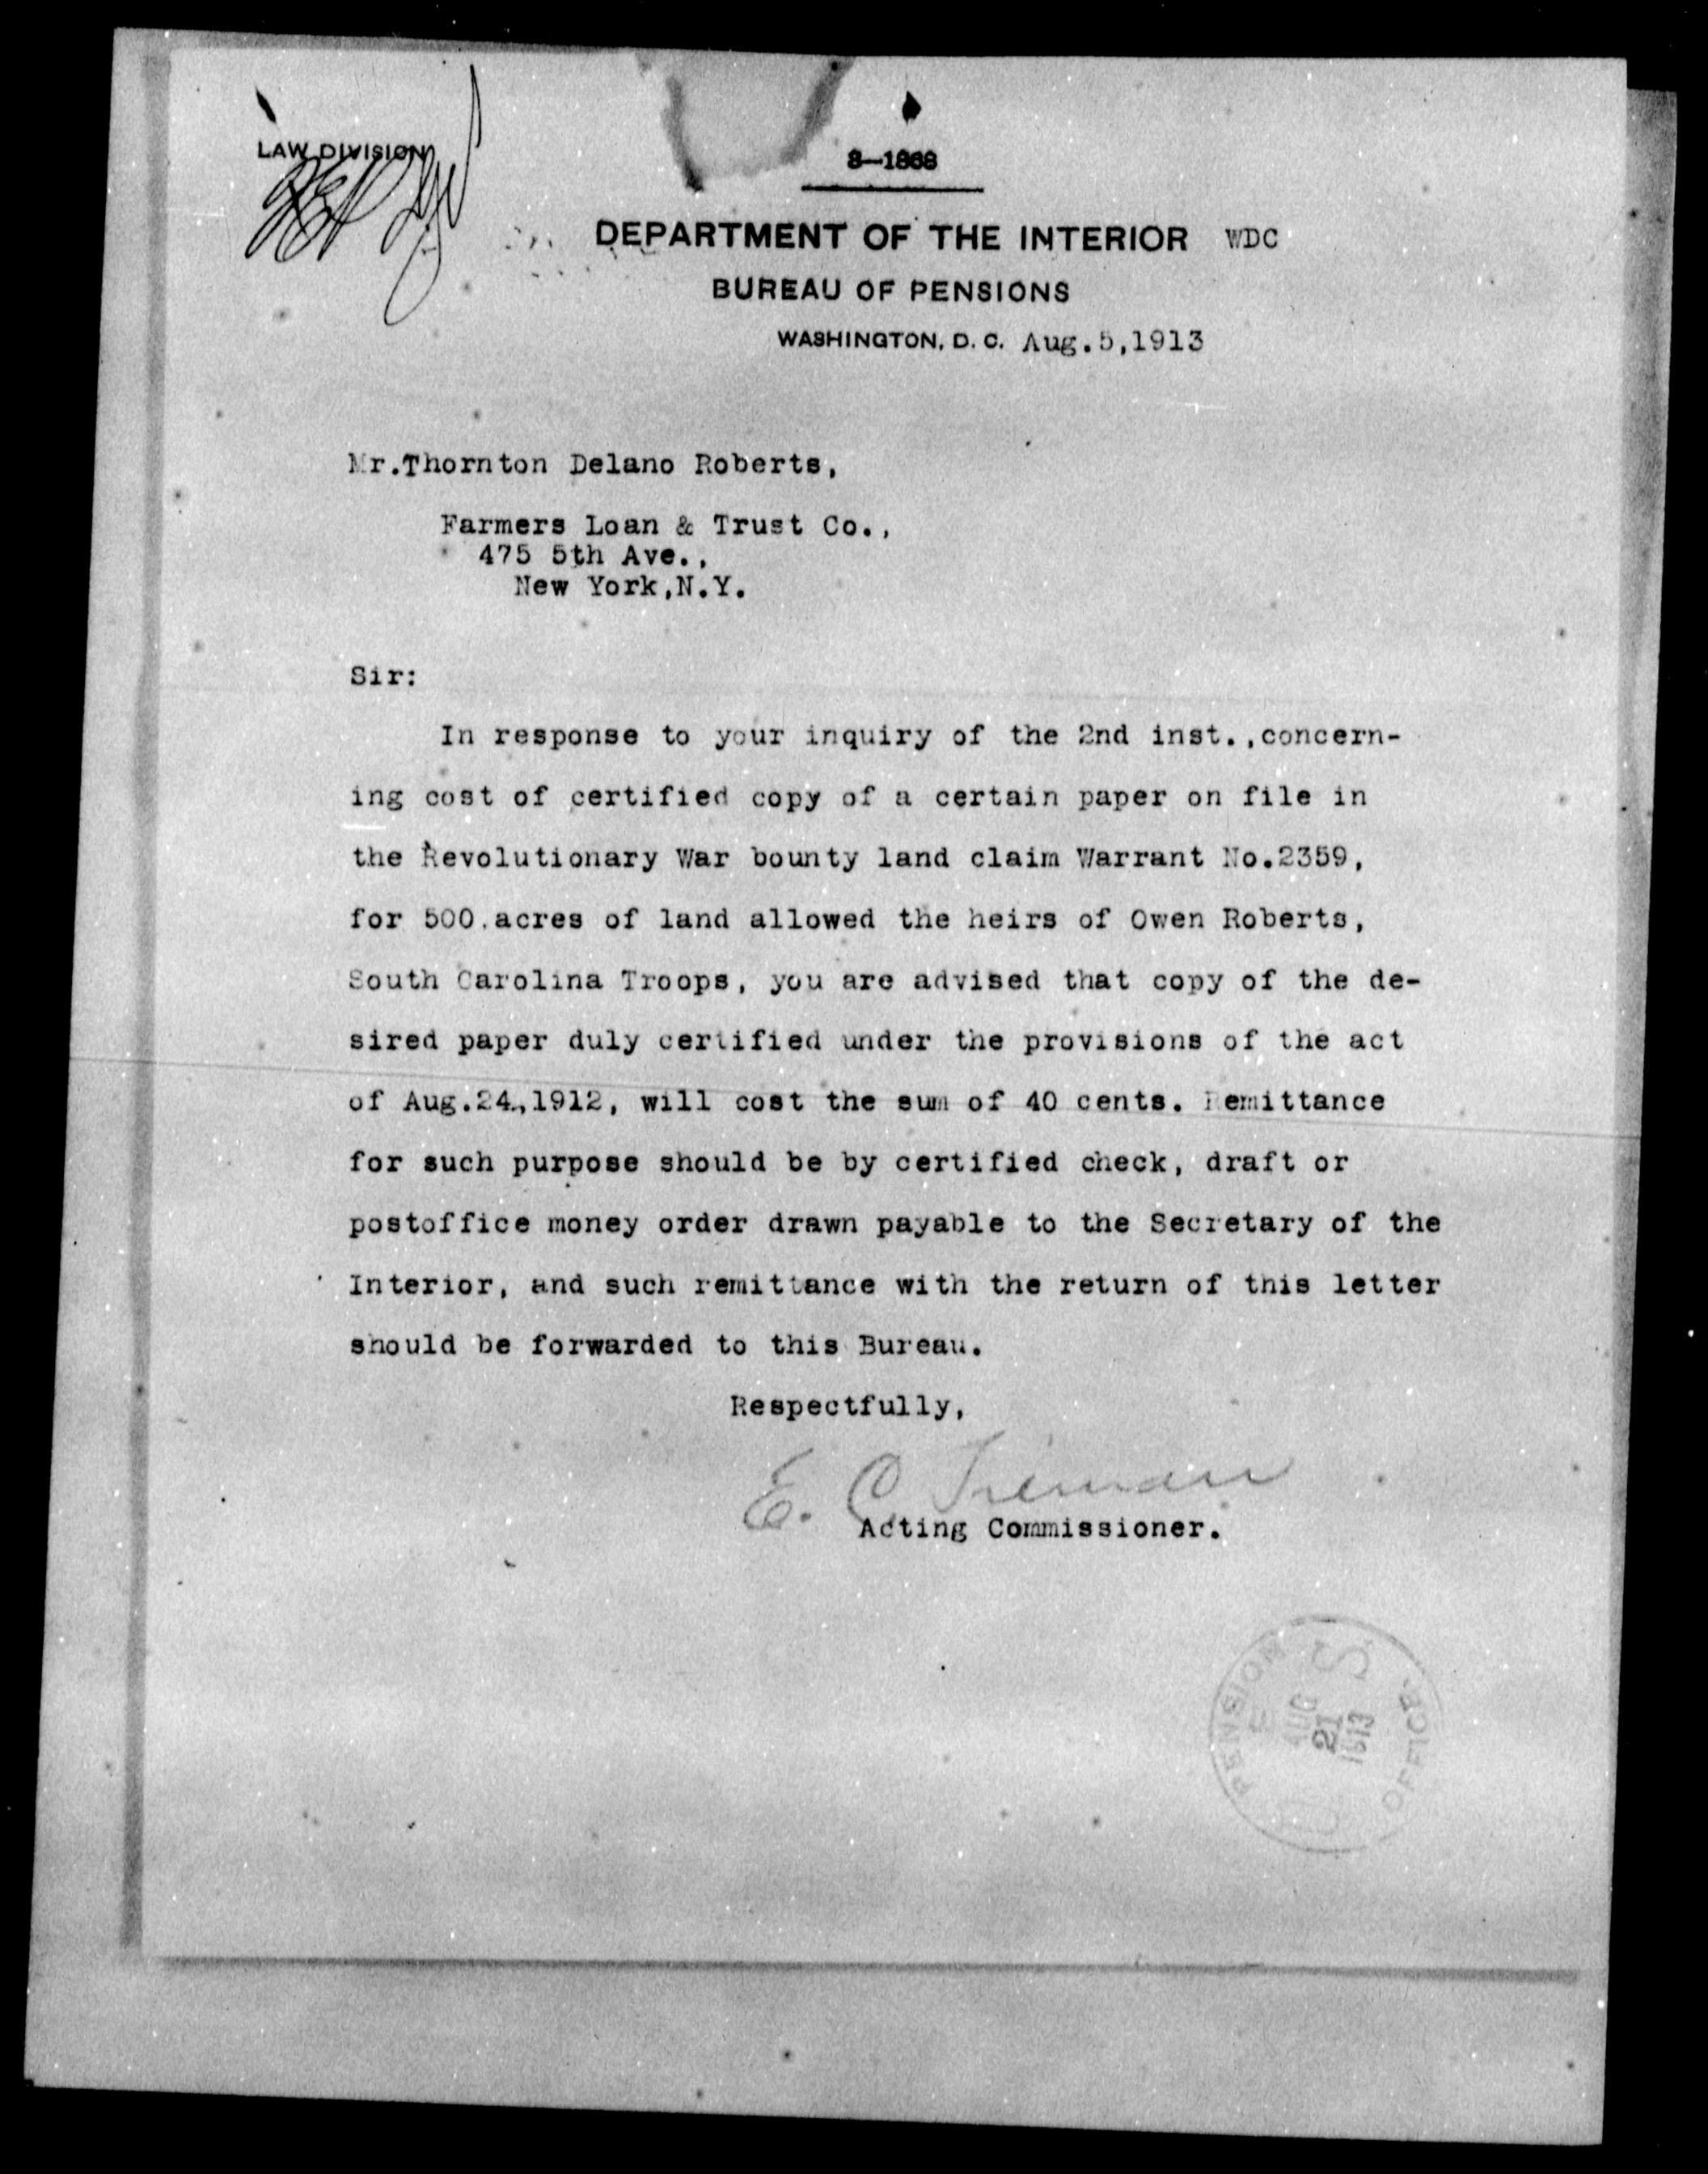LAW DIVISION
[illegible]
8-1868
DEPARTMENT OF THE INTERIOR  WDC
BUREAU OF PENSIONS
WASHINGTON, D.C. Aug. 5,1913

Mr. Thornton Delano Roberts,
Farmers Loan & Trust Co.,
475 5th Ave.
New York,N.Y.
Sir:
In response to your inquiry of the 2nd inst., concerning cost of certified copy of a certain paper on file in the Revolutionary War bounty land claim Warrant No. 2359, for 500 acres of land allowed the heirs of Owen Roberts, South Carolina Troops, you are advised that copy of the desired paper duly certified under the provisions of the act of Aug.24,1912, will cost the sum of 40 cents. Remittance for such purpose should be by certified check, draft or postoffice money order drawn payable to the Secretary of the Interior, and such remittance with the return of this letter
should be forwarded to this Bureau.
Respectfully,
E. C Truman
Acting Commissioner.
[circular stamp with: US PENSION OFFICE AUG 21 1913]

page: 48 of 59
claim: bounty land warrant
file: B.L.Wt. 2359-500, for Owen Roberts, South Carolina